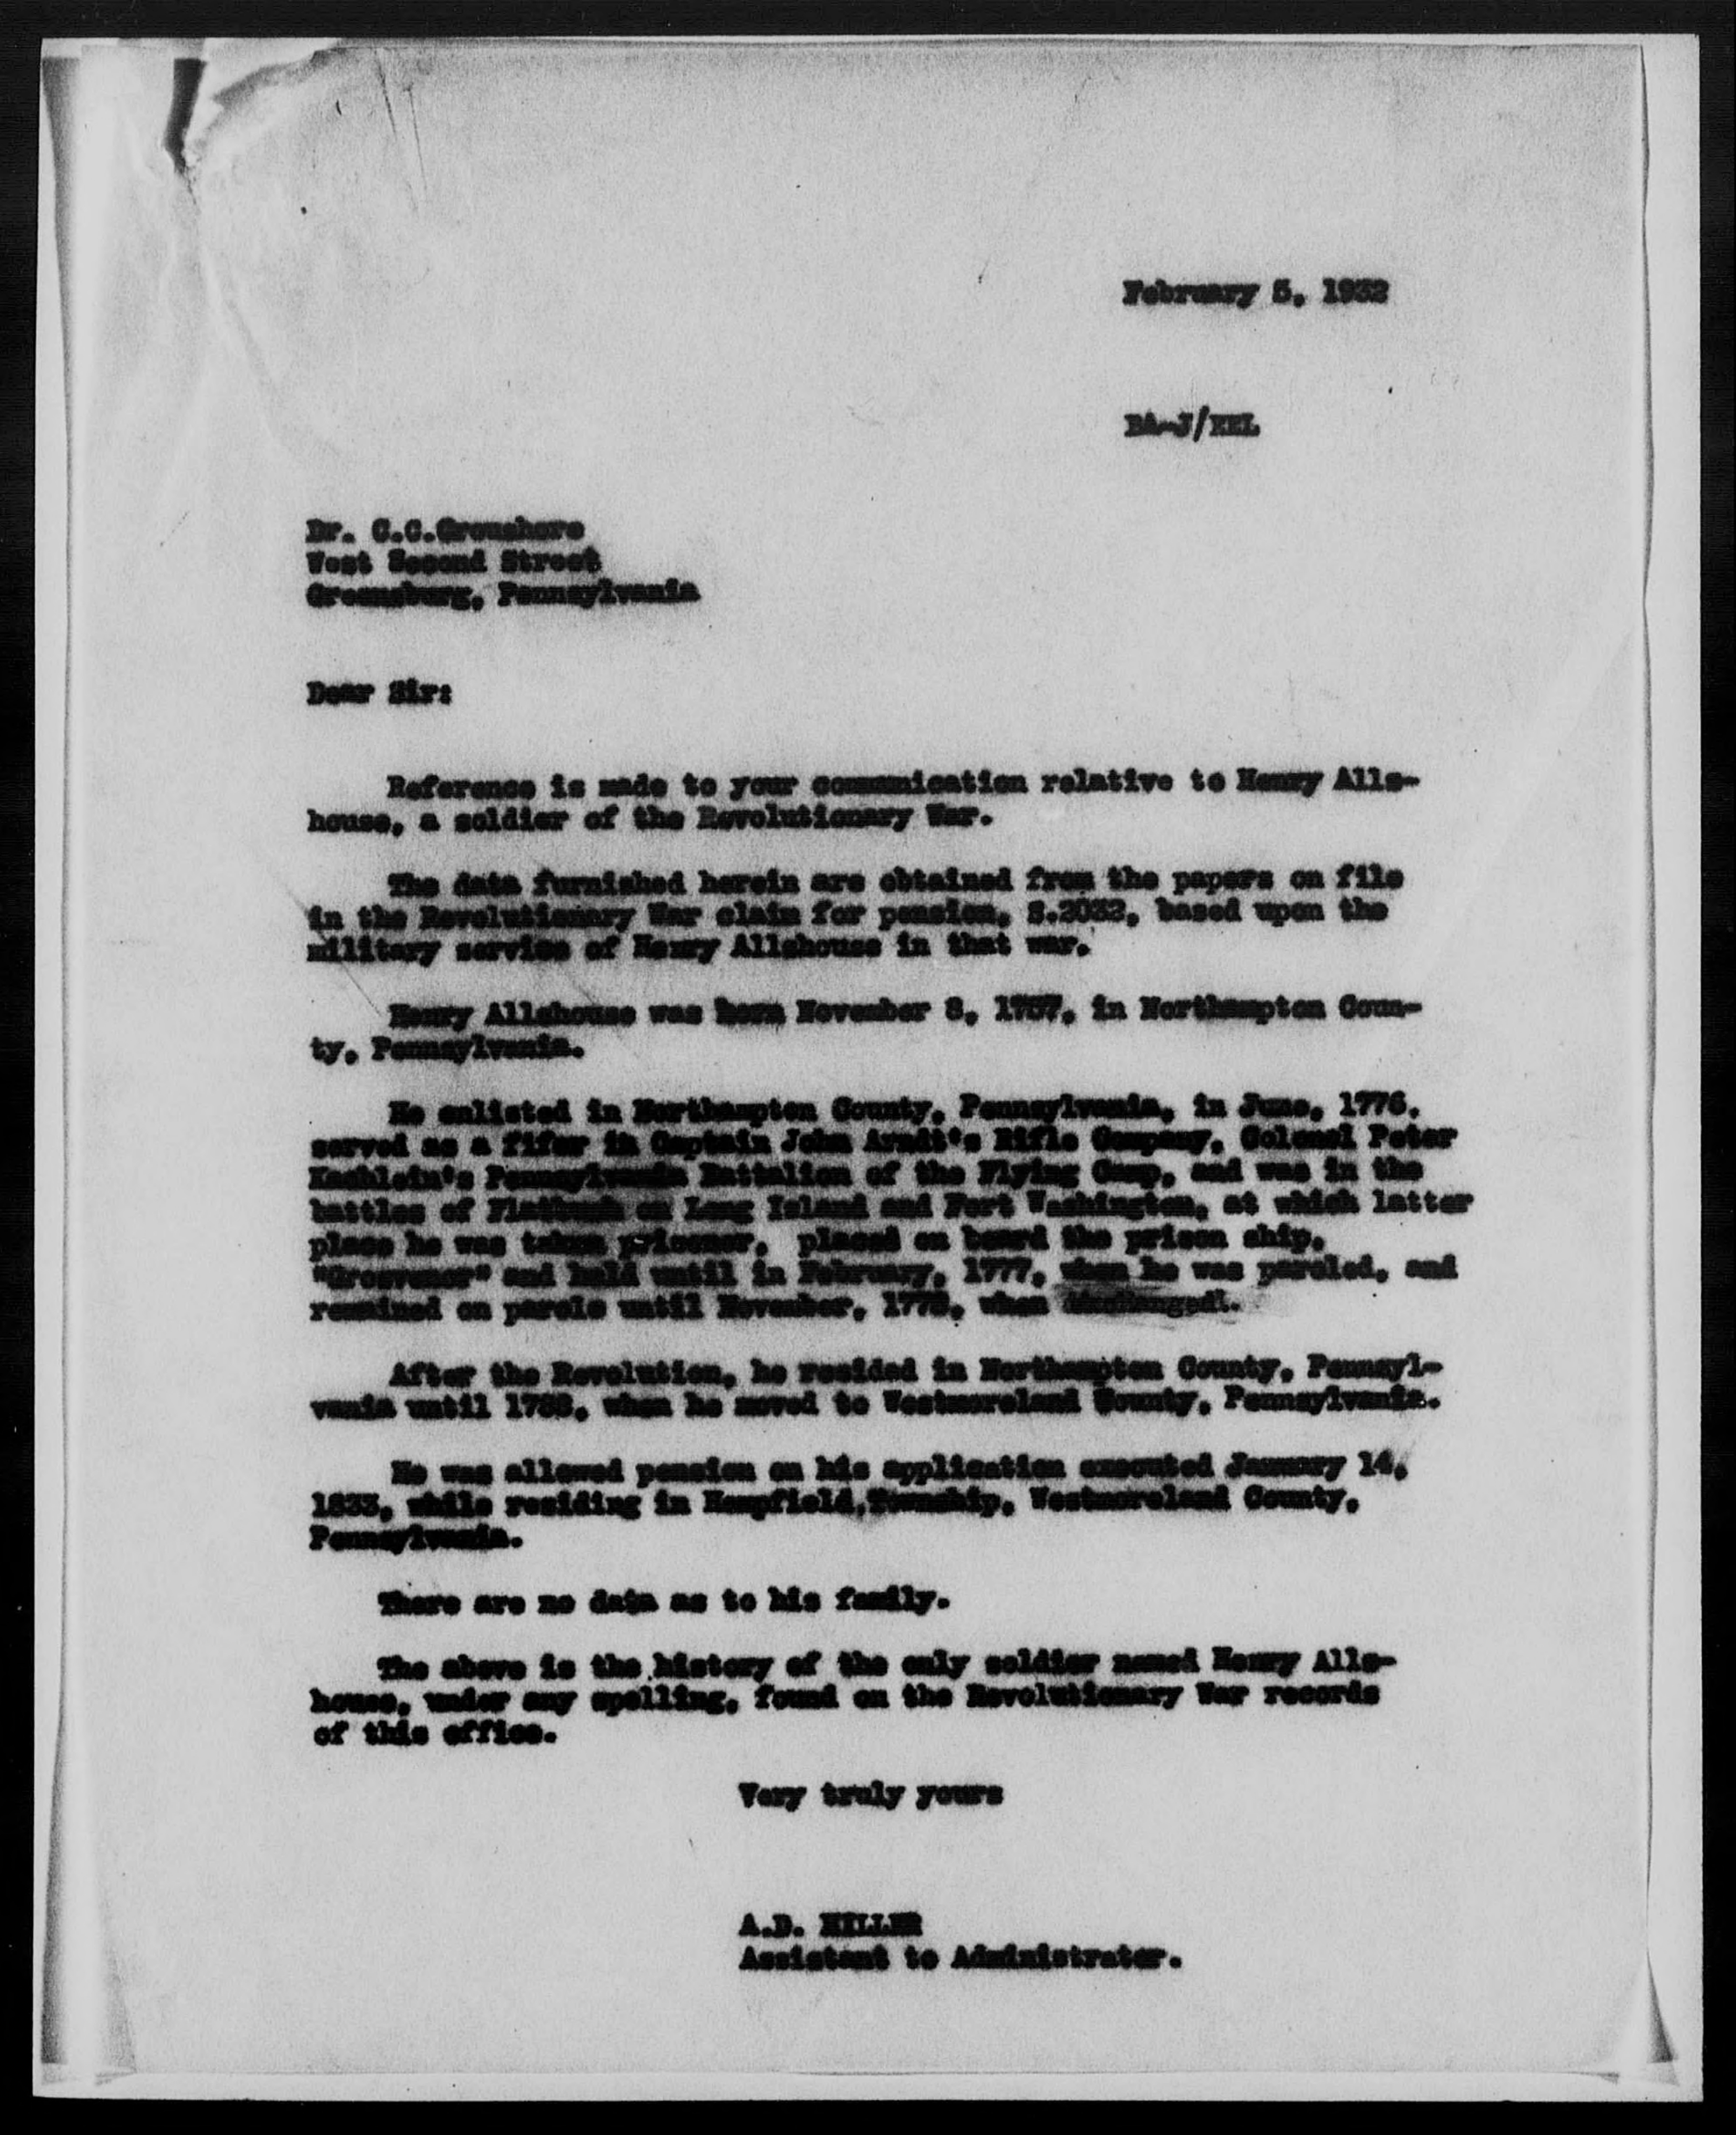February 5, 1932
BA-J/REL
Dr. C.C. [Illegible]
Weat Second Street
Greensburg, Pennsylvania

Dear Sir:
Reference is made to your communication
relative to Henry Allshouse, a soldier of the Revolutionary War.

The data furnished herein are obtained from the papers on file in the Revolutionary War claim for pension, S.2033, based upon the
military service of Henry Allshouse in that war.

Harry Allshouse was born November 8, 1757, in Northampton County, Pennsylvania.

He enlisted in Northampton County, 
Pennsylvania, in June, 1776, served as a fifer in
in Captain John Arndt's Rifle Company, Colonel Peter Kachlein's Pennsylvania Battalion of the Flying Camp, and was in the battle of Flatbush on of Long Island and Fort Washington, at which latter place he was taken prisoner, placed on board the prison ship "Grosvenor" and held until February 1777, when he was paroled, and remained on parole until November 1778 when exchanged.

After the Revolution, he resided in Northampton County, Pennsylvania until 1783, when he moved to Westmoreland County, 

He was allowed pension on his application entered January 14, 1833, while residing in Hempfield, Township Westmoreland County 
Pennsylvania.

There are no data as to his family.

The above is the history of the only soldier named Henry Allshouse, under any spelling, found on the Revolutionary War records  of this office.
Very truly yours

A. D. HILLER
Assistant to Administrator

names: Henry Allshouse, Henry Allshouse, Henry Allshouse, C C Croushore, A D Hiller, Henry Allshouse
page: 11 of 24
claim: survivor's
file: S. 2032, Henry Allshouse, Penn.